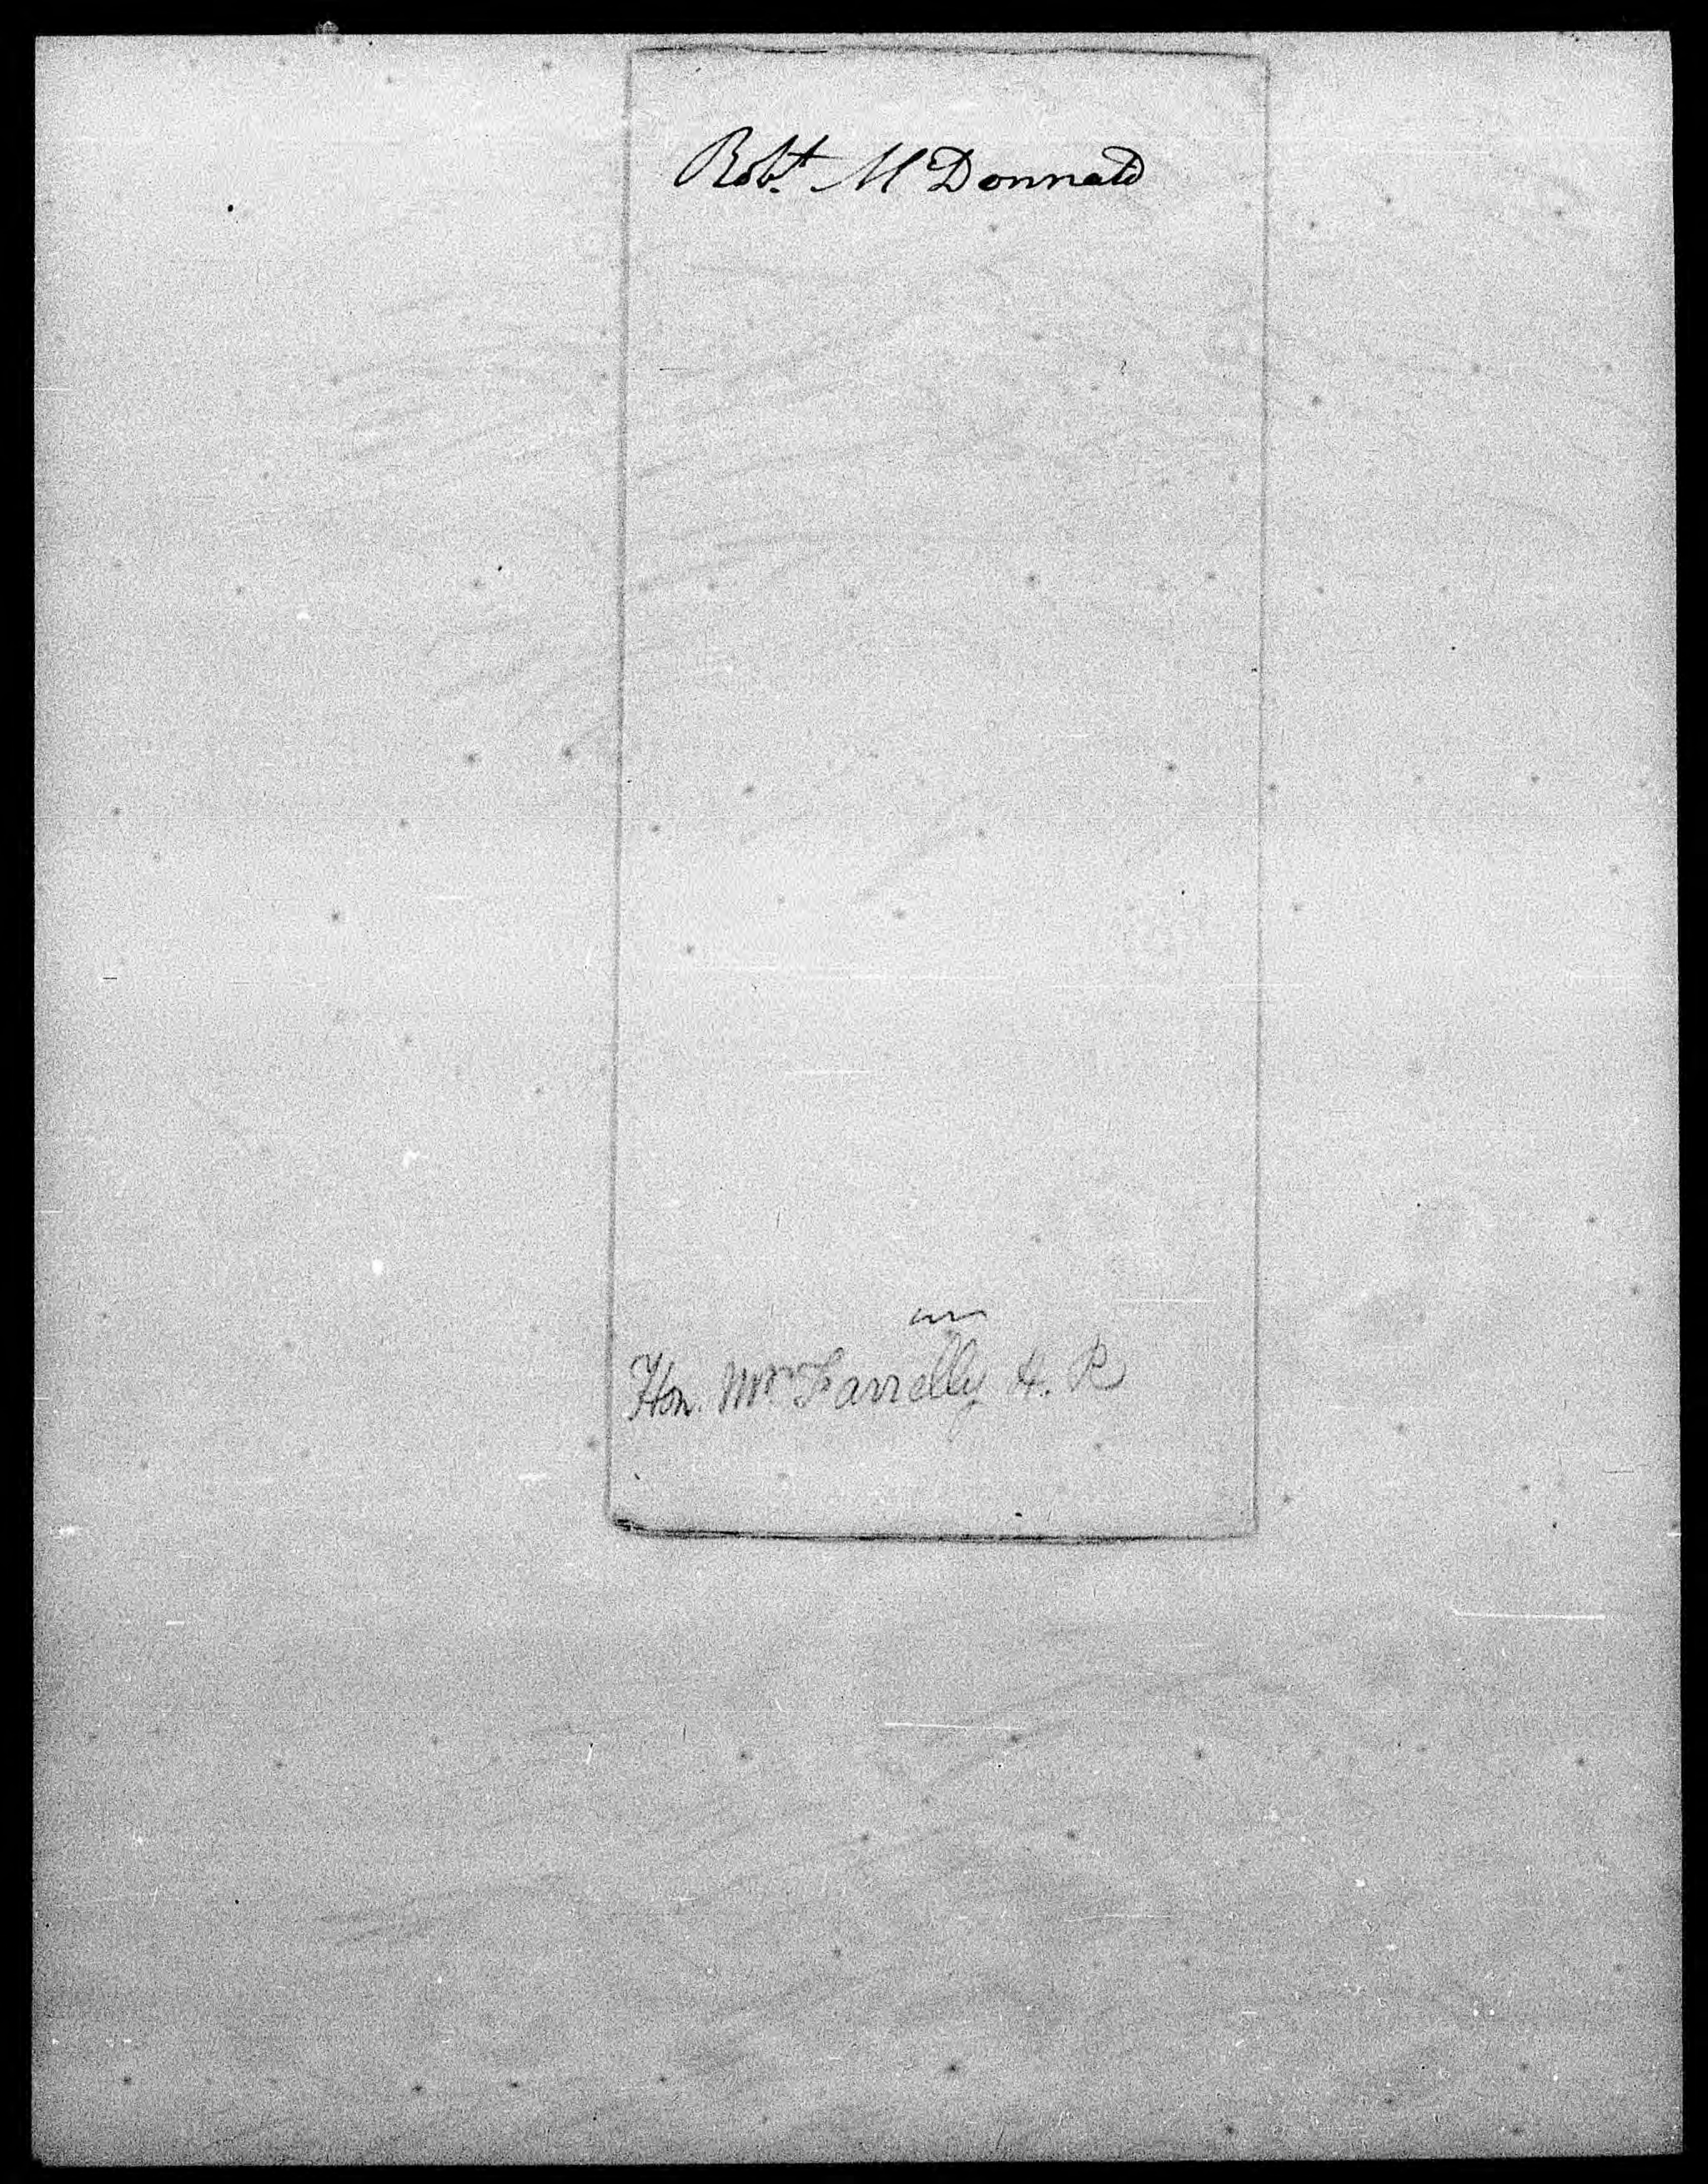Robert McDonnato
Hon. William Farrelly House of Representatives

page: 12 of 59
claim: widow's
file: W 3703, for Robert Mc Donald, Pennsylvania